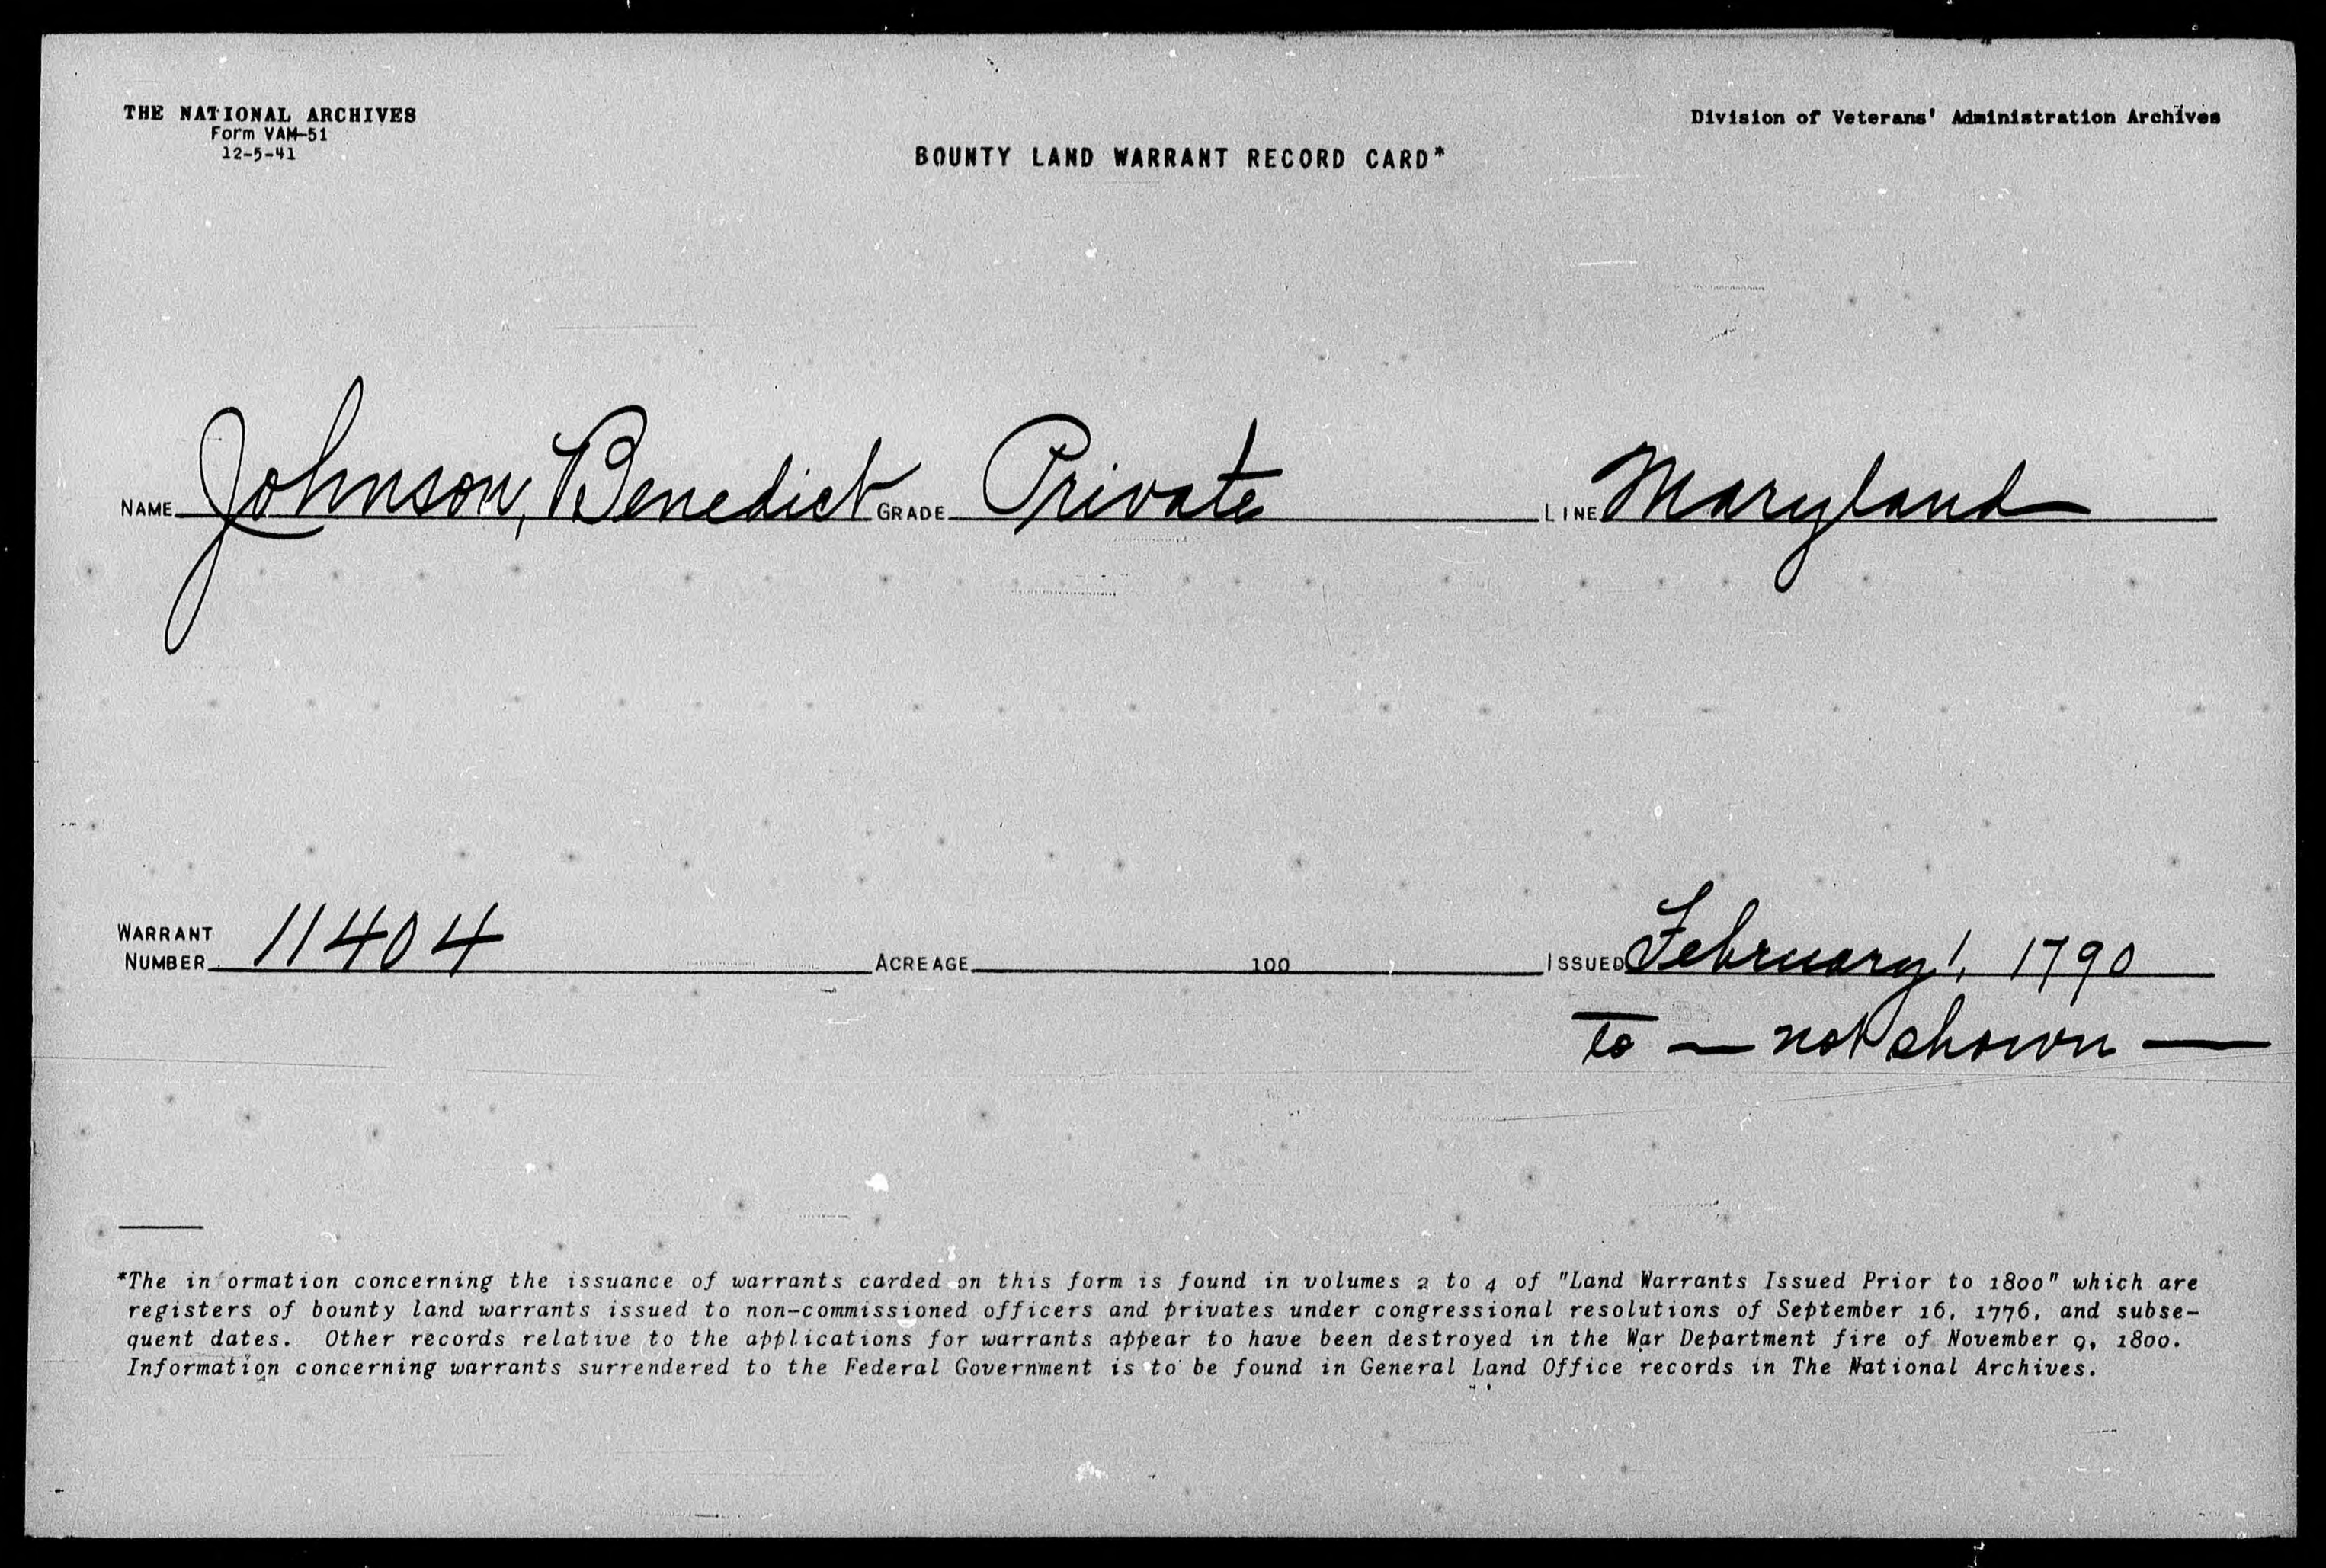The National Archives

Bounty Land Warrant Record Card

Division of Veterans' Administration Archives

Name: Johnson, Benedict
Grade: Private
Line: Maryland
Warrant Number: 11404
Acreage: 100 
Issued February 1, 1790 to not shown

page: 11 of 11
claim: survivor's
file: S. 39,783, for Barny Johnson, Maryland